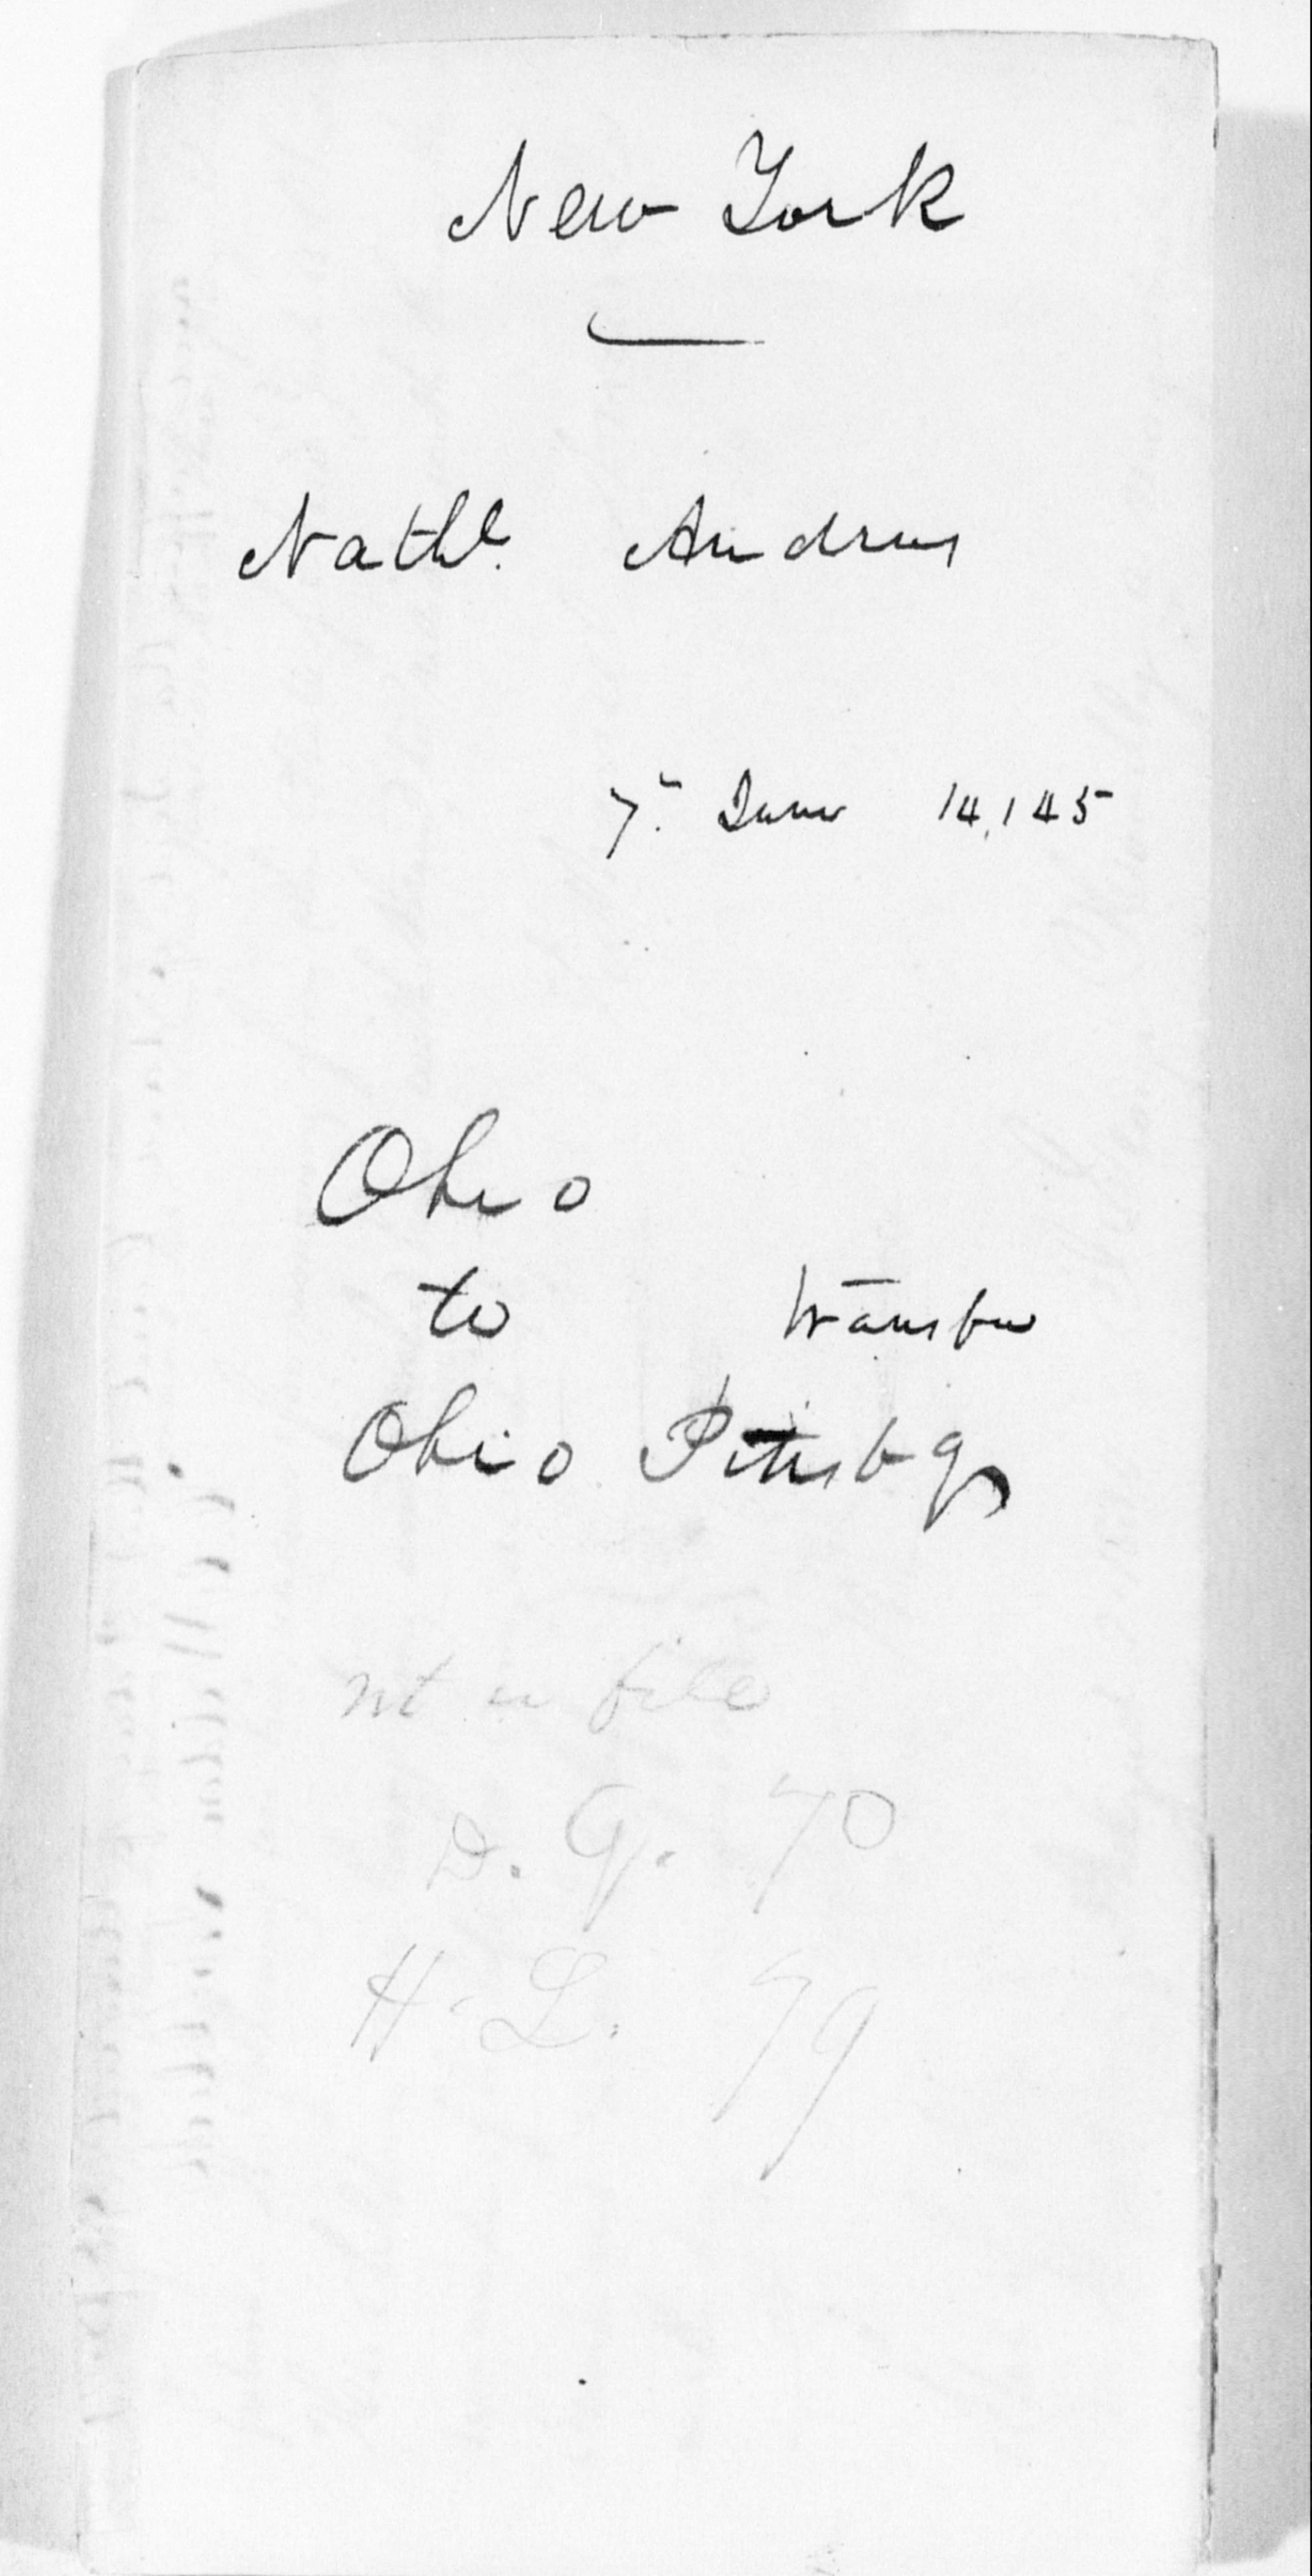New York
Nathl Andrews
7th June 14.145
Ohio 
to transfer 
Ohio Pittsbg
[illegible]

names: Nathl Andrus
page: 3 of 78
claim: widow's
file: W. 4117, Nathaniel Bradley, Conn.